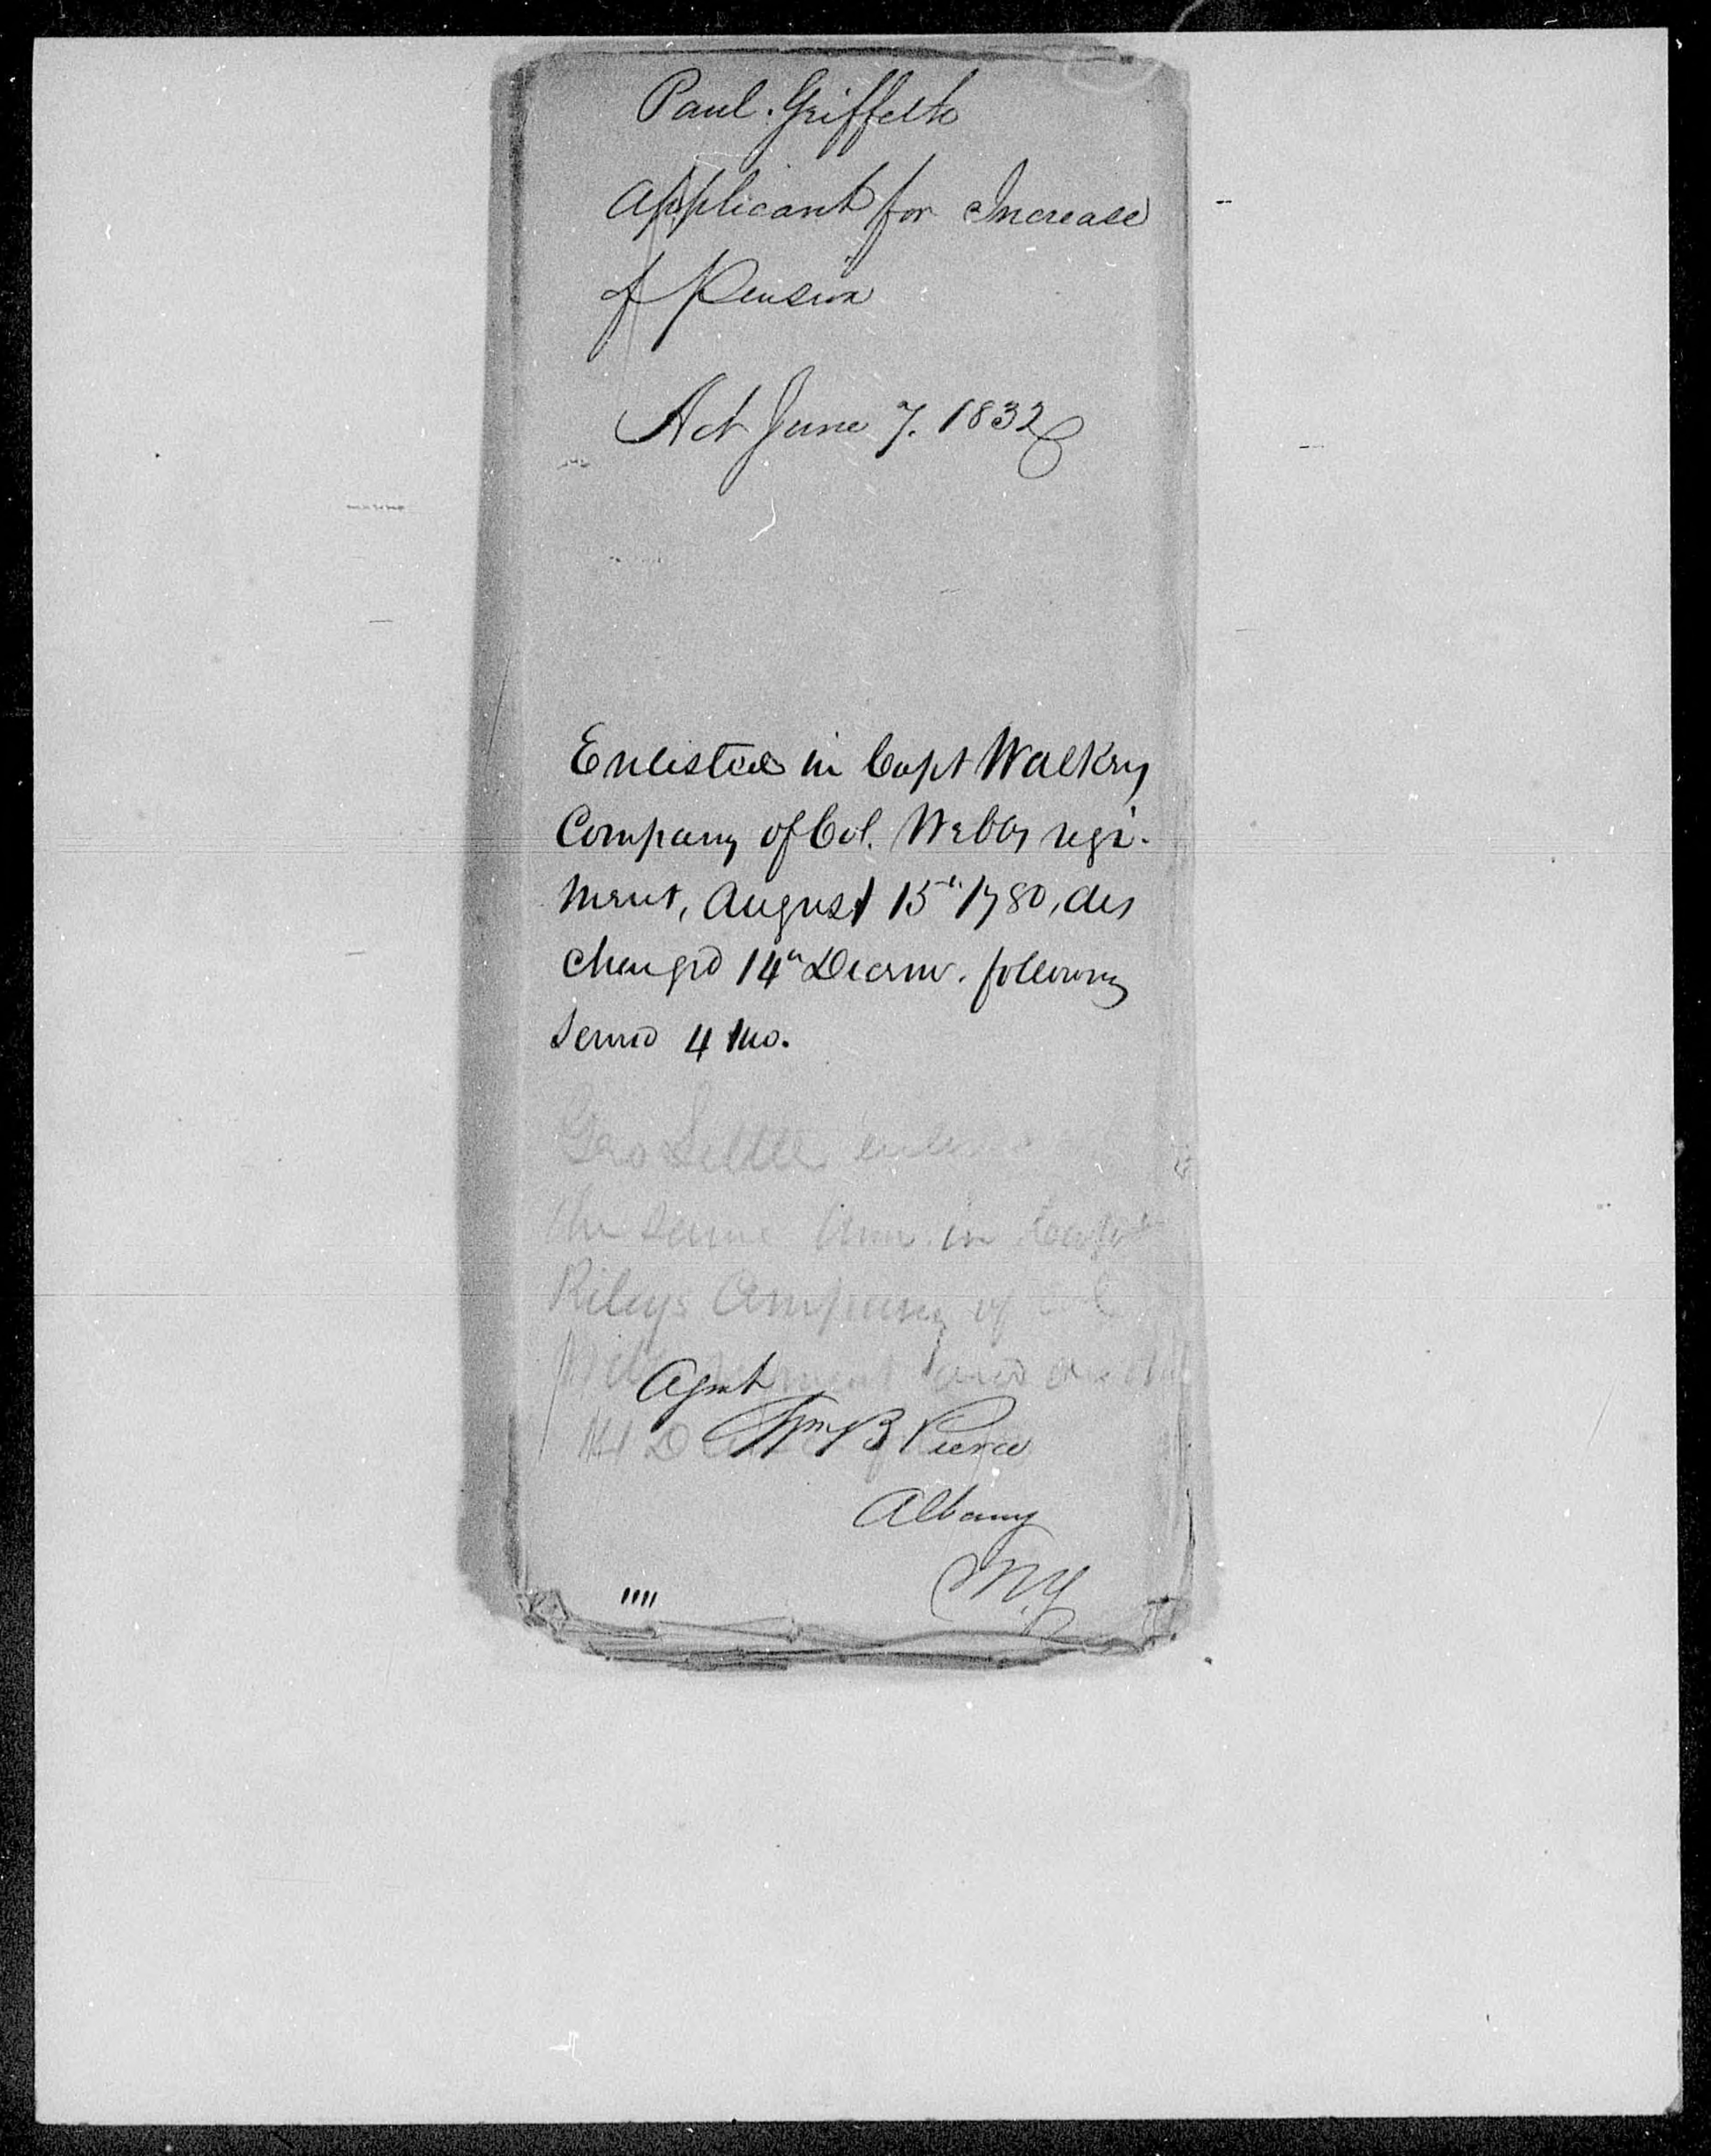Paul Griffith
applicant for Increase
of Pension
Act June 7, 1832
Enlisted in Capt. Walkey
Company of Col. Webbs regiment, August 15 1780, discharged 14th Decem. following
Served 4 Mo.
Geo. Little enlisted
the same time in Capt.
Riley’s Company of Col.
[illegible] regiment and [illegible]
14 Decem. foll.
Agent
Wm. B. Pierce
Albany
N. Y.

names: Paul Griffeth, Geo Little, Wm B Pierce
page: 53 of 61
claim: survivor's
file: S. 22798, Paul Griffiths, R.I.